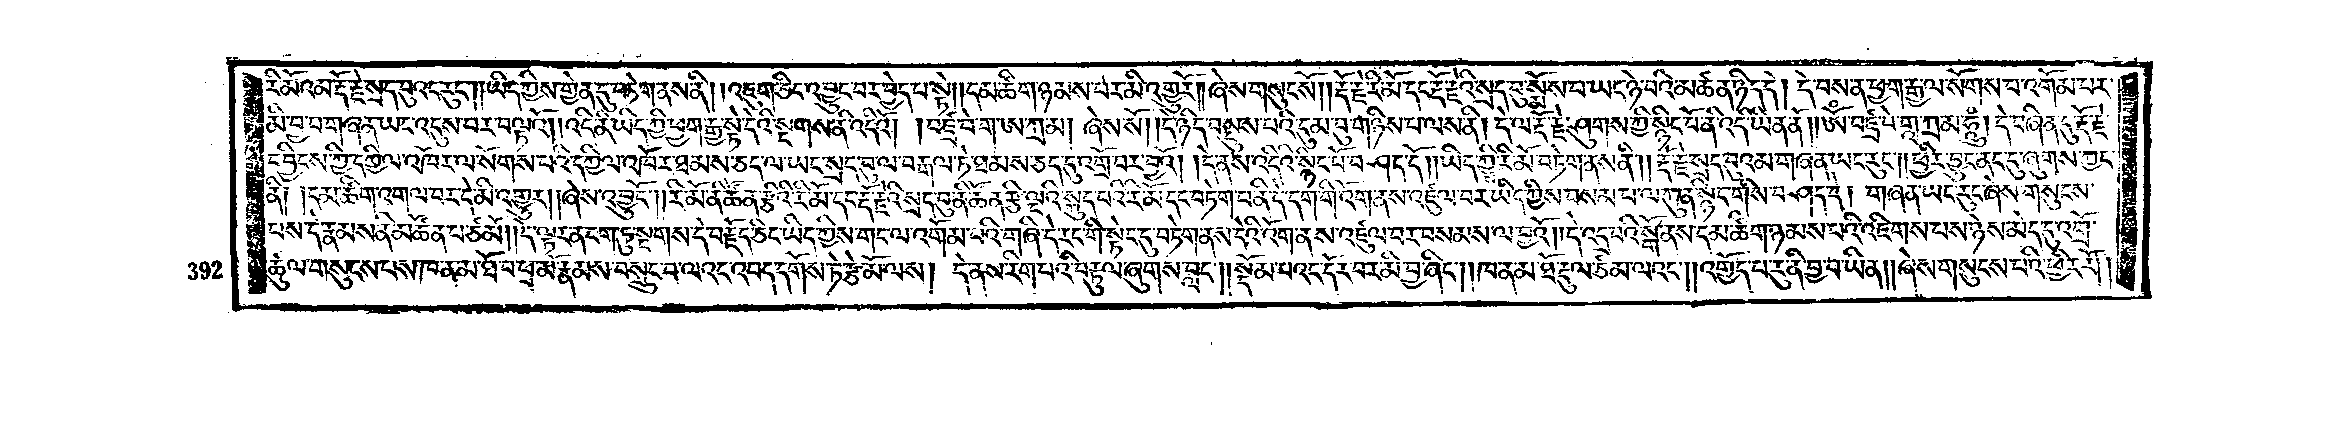རི་མོའམ་རྡོ་རྗེ་སྲད་བུའང་རུང་། །ཡིད་ཀྱིས་གྱེན་དུ་བཏེག་ནས་ནི། །འཇུག་ཅིང་འབྱུང་བར་བྱེད་པ་སྟེ། །དམ་ཚིག་ཉམས་པར་མི་འགྱུར་རོ། །ཞེས་གསུངས་སོ། །རྡོ་རྗེ་རི་མོ་དང་རྡོ་རྗེའི་སྲད་བུ་སྨོས་པ་ཡང་ཉེ་བའི་མཚན་ཉིད་དེ། དེ་བས་ན་ཕྱག་རྒྱ་ལ་སོགས་པ་འགོམ་པར་
མི་བྱ་བ་གཞན་ཡང་འདུས་པར་བལྟའོ། །འདི་ནི་ཡིད་ཀྱི་ཕྱག་རྒྱ་སྟེ་དེའི་སྔགས་ནི་འདིའོ། །བཛྲ་བེ་ག་ཨ་ཀྲ་མ། ཞེས་སོ། །དེ་ཉིད་བསྡུས་པའི་དུམ་བུ་གཉིས་པ་ལས་ནི། དེ་ལ་རྡོ་རྗེ་ཤུགས་ཀྱི་སྙིང་པོ་ནི་འདི་ཡིན་ནོ། །ཨོཾ་བཛྲ་པེ་གཱ་ཀྲ་མ་ཧཱུཾ། དེ་བཞིན་དུ་རྡོ་རྗེ་
དབྱིངས་ཀྱི་དཀྱིལ་འཁོར་ལ་སོགས་པའི་དཀྱིལ་འཁོར་ཐམས་ཅད་ལ་ཡང་སྲད་བུ་ལ་བརྒལ་ཏེ་ཐམས་ཅད་དུ་འགྲོ་བར་བྱའོ། །དེ་ནས་འདིའི་སྙིང་པོ་བཤད་དོ། །ཡིད་ཀྱིས་རི་མོ་བཏེག་ནས་ནི། །རྡོ་རྗེ་སྲད་བུའམ་གཞན་ཡང་རུང་། །ཕྱིར་བྱུང་ནང་དུ་ཞུགས་ཀྱང་
ནི། །དམ་ཚིག་འགལ་བར་དེ་མི་འགྱུར། །ཞེས་འབྱུང་ངོ། །རི་མོ་ནི་ཚོན་རྩིའི་རི་མོ་དང་རྡོ་རྗེའི་སྲད་བུ་ནི་ཚོན་རྩི་ལྔའི་སྐུད་པའི་རི་མོ་དང་བཏེག་པ་ནི་དེ་དག་གི་འོག་ནས་འཛུལ་བར་ཡིད་ཀྱིས་བསམ་པ་ལ་ཀུན་སྙིང་གིས་བཤད་དེ། གཞན་ཡང་རུང་ཞེས་གསུངས་
པས་དེ་རྣམས་ནི་མཚོན་པ་ཙམ་མོ། །དེ་ལྟར་ན་ངག་ཏུ་སྔགས་དེ་བརྗོད་ཅིང་ཡིད་ཀྱིས་གང་ལ་འགོམ་པའི་གཞི་དེ་རང་གི་སྟེང་དུ་བཏེག་ནས་དེའི་འོག་ནས་འཛུལཅ་བར་བསམས་ལ་བྱའོ། །དེ་འདྲ་བའི་སྒོ་ནས་དམ་ཚིག་ཉམས་པའི་འཇིགས་པས་ཉེས་མེད་དུ་འགྲོ་
ཚུལ་གསུངས་པས་ཁ་ན་མ་ཐོ་བ་ཕྲ་མོ་རྣམས་བསྲུང་བ་ལའང་འབད་དགོས་ཏེ་རྩེ་མོ་ལས། དེ་ནས་རིག་པའི་བརྟུལ་ཞུགས་བླང་། །སྡོམ་པའང་དོར་བར་མི་བྱ་ཞིང་། །ཁ་ན་མ་ཐོ་རྡུལ་ཙམ་ལའང་། །འགྱོད་པ་རུ་ནི་བྱ་བ་ཡིན། །ཞེས་གསུངས་པའི་ཕྱིར་རོ།